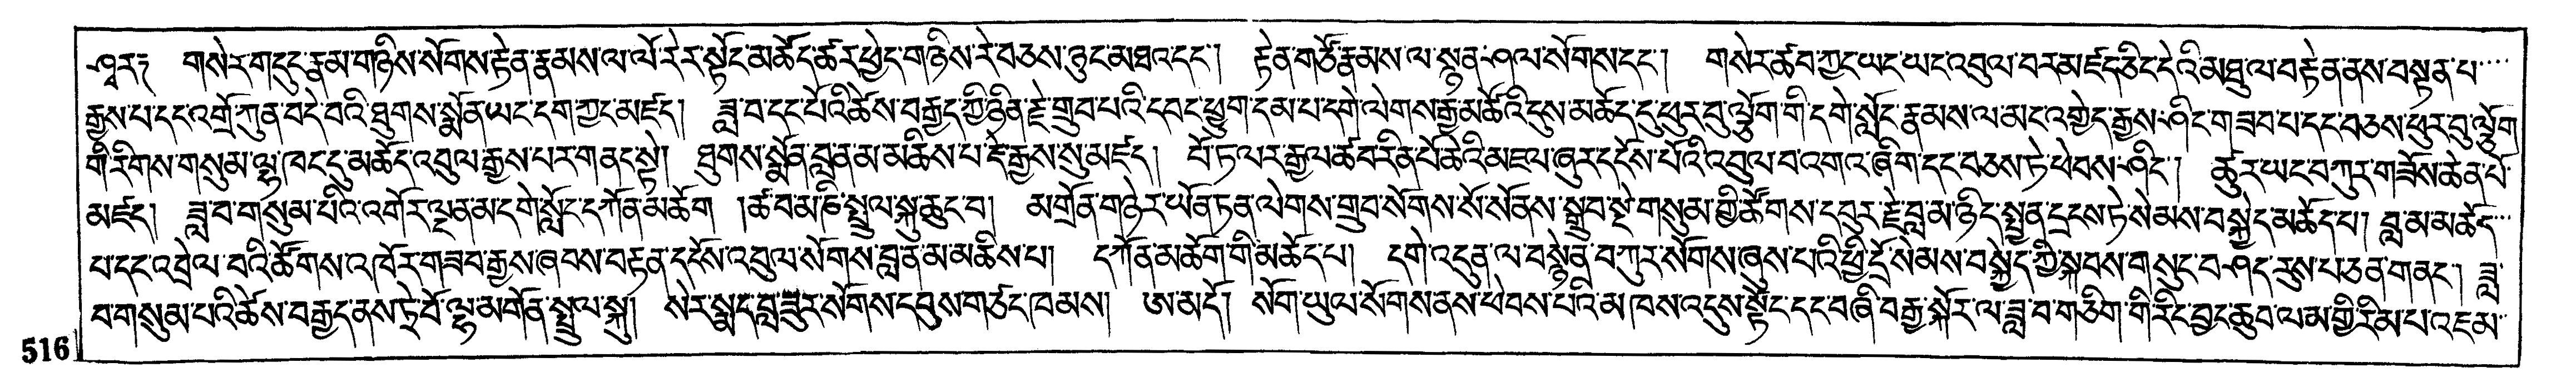ཤྭ་ར༑ གསེར་གདུང་རྣམ་གཉིས་སོགས་རྟེན་རྣམས་ལ་ལོ་རེར་སྟོང་མཆོད་ཚར་ཕྱེད་གཉིས་རེ་བཅས་ཉུང་མཐའ་དང་། རྟེན་གཙོ་རྣམས་ལ་སྙན་ཤལ་སོགས་དང་། གསེར་ཆབ་ཀྱང་ཡང་ཡང་འབུལ་བར་མཛད་ཅིང་དེའི་མཐུ་ལ་བརྟེན་ནས་བསྟན་པ་
རྒྱས་པ་དང་འགྲོ་ཀུན་བདེ་བའི་ཐུགས་སྨོན་ཡང་དག་ཀྱང་མཛད། ཟླ་བ་དང་པོའི་ཚེས་བརྒྱད་ཀྱི་ཉིན་རྗེ་གྲུབ་པའི་དབང་ཕྱུག་དམ་པ་དགེ་ལེགས་རྒྱ་མཚོའི་དུས་མཆོད་དུ་ཕུར་བུ་ལྕོག་གི་དགེ་སློང་རྣམས་ལ་མང་འགྱེད་རྒྱས་ཤིང་གཟབ་པ་དང་བཅས་ཕུར་བུ་ལྕོག་
གི་རིགས་གསུམ་ལྷ་ཁང་དུ་མཆོད་འབུལ་རྒྱས་པར་གནང་སྟེ། ཐུགས་སྨོན་བླ་ན་མ་མཆིས་བརྗེ་རྒྱས་སུ་མཛད། པོ་ཏ་ལར་རྒྱལ་ཚབ་རིན་པོ་ཆེའི་མཇལ་ཞུར་དངོས་པོའི་འབུལ་བ་འགའ་ཞིག་དང་བཅས་ཏེ་ཕེབས་ཤིང་། ཚུར་ཡང་བཀུར་གཟོས་ཆེན་པོ་
མཛད། ཟླ་བ་གསུམ་པའི་འགོར་ལྡན་མ་དགེ་སློང་དཀོན་མཆོག། །ཚ་བ་མ་ཎི་སྤྲུལ་སྐུ་ཆུང་བ། མགྲོན་གཉེར་ཡོན་ཏན་ལེགས་གྲུབ་སོགས་སོ་སོ་ནས་སྒྲུབ་སྡེ་གསུམ་གྱི་ཚོགས་དབུར་རྗེ་བླ་མ་ཉིད་སྤྱན་དྲངས་ཏེ་སེམས་བསྐྱེད་མཆོད་པ། བླ་མ་མཆོད་
པ་དང་འབྲེལ་བའི་ཚོགས་འཁོར་གཟབ་རྒྱས་ཞབས་བརྟན་དངོས་འབུལ་སོགས་བླན་མ་མཆིས་པ། དཀོན་མཆོག་གི་མཆོད་པ། དགེ་འདུན་ལ་བསྙེན་བཀུར་སོགས་ཞུས་པའི་ཕྱི་དྲོ་སེམས་བསྐྱེད་ཀྱི་སྐབས་གསུང་བཤད་རུས་པ་ཅན་གནང་། ཟླ་
བ་གསུམ་པའི་ཚེས་བརྒྱད་ནས་ཏྲེ་བོ་ལྷ་མགོན་སྤྲུལ་སྐུ། སེར་སྨད་བླ་ཟུར་སོགས་དབུས་གཙང་ཁམས། ཨ་མདོ། སོག་ཡུལ་སོགས་ནས་ཕེབས་པའི་མཁས་འདུས་སྟོང་དང་བཞི་བརྒྱ་སྐོར་ལ་ཟླ་བ་གཅིག་གི་རིང་བྱང་ཆུབ་ལམ་གྱི་རིམ་པ་འཇམ་